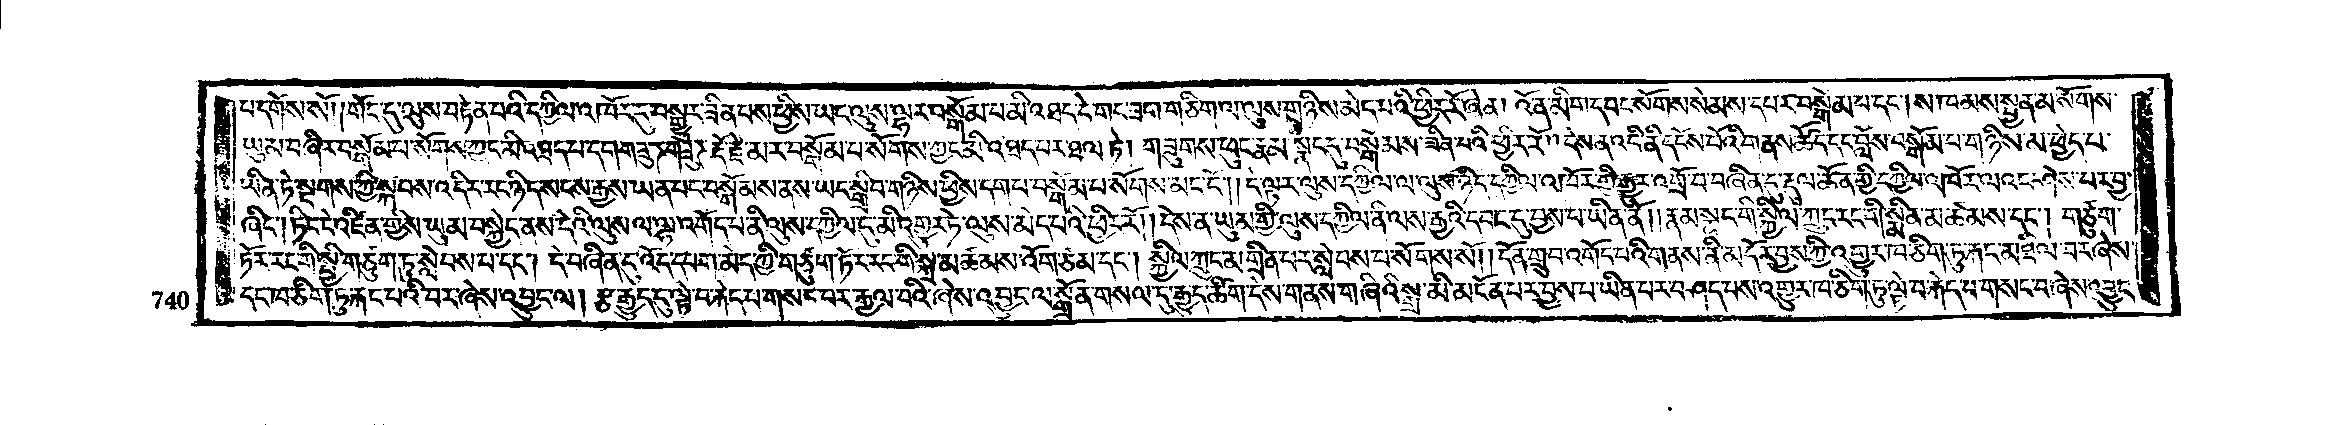པ་དགོས་སོ། །གོང་དུ་ལུས་བརྟེན་པའི་དཀྱིལ་འཁོར་དུ་བསྒྱར་ཟིན་པས་ཕྱིས་ཡང་ལུས་ལྷར་བསྒོམ་པ་མི་འཐད་དེ་གང་ཟག་གཅིག་ལ་ལུས་གཉིས་མེད་པའི་ཕྱིར་རོ་ཞེ་ན། འོ་ན་མིག་དབང་སོགས་སེམས་དཔར་བསྒོམ་པ་དང་། ས་ཁམས་སྤྱན་མ་སོགས་
ཡུམ་བཞིར་བསྒོམ་པ་སོགས་ཀྱང་མི་འཐད་པ་དང་། གཟུགས་གཟུགས་རྡོ་རྗེ་མར་བསྒོམ་པ་སོགས་ཀྱང་མི་འཐད་པར་ཐལ་ཏེ། གཟུགས་ཕུང་རྣམ་སྣང་དུ་བསྒོམས་ཟིན་པའི་ཕྱིར་རོ། །དེས་ན་འདི་ནི་དངོས་པོའི་གནས་ཚོད་དང་བློས་བསྒོམ་པ་གཉིས་མ་ཕྱེད་པ་
ཡིན་ཏེ་སྔགས་ཀྱི་སྐབས་འདིར་རང་ཉིད་སངས་རྒྱས་ཡིན་པར་བསྒོམས་ནས་ཡང་སྒྲིབ་གཉིས་ཕྱིས་དག་པ་བསྒོམ་པ་སོགས་མང་ངོ། །དེ་ལྟར་ལུས་དཀྱིལ་ལ་ལུས་ཉིད་དཀྱིལ་འཁོར་གྱི་རྒྱུར་འགྲོ་བ་བཞིན་དུ་རྡུལ་ཚོན་གྱི་དཀྱིལ་འཁོར་ལའང་ཤེས་པར་བྱ་
ཞིང་། ཏིང་ངེ་འཛིན་གྱིས་ཡུམ་བསྐྱེད་ནས་དེའི་ལུས་ལ་ལྷ་འགོད་པ་ནི་ལུས་དཀྱིལ་དུ་མི་འགྱུར་ཏེ་ལུས་མེད་པའི་ཕྱིར་རོ། །དེས་ན་ཡུམ་གྱི་ལུས་དཀྱིལ་ནི་ལས་རྒྱའི་དབང་དུ་བྱས་པ་ཡིན་ནོ། །རྣམ་སྣང་གི་སྐྱིལ་ཀྲུང་རང་གི་སྨིན་མཚམས་དང་། གཙུག་
ཏོར་རང་གི་སྤྱི་གཙུག་ཏུ་སླེབས་པ་དང་། དེ་བཞིན་དུ་འོད་དཔག་མེད་ཀྱི་གཙུག་ཏོར་རང་གི་སྐྲ་མཚམས་འོག་ཙམ་དང་། སྐྱིལ་ཀྲུང་མགྲིན་པར་སླེབས་པ་སོགས་སོ། །དོན་གྲུབ་འགོད་པའི་གནས་ནི་མདོར་བྱས་ཀྱི་འགྱུར་ཁ་ཅིག་ཏུ་རྐང་མཐིལ་བར་ཞེས་
དང་ཁ་ཅིག་ཏུ་རྐང་པའི་བར་ཞེས་འབྱུང་ལ། རྩ་རྒྱུད་དུ་ལྟེ་བ་རྐེད་པ་གསང་བར་རྒྱལ་བའི་ཞེས་འབྱུང་ལ་སྒྲོན་གསལ་དུ་རྒྱུད་ཚིག་དེས་གནས་གཞིའི་སྒྲ་མི་མངོན་པར་བྱས་པ་ཡིན་པར་བཤད་པས་འགྱུར་ཁ་ཅིག་ཏུ་ལྟེ་བ་རྐེད་པ་གསང་བ་ཞེས་འབྱུང་